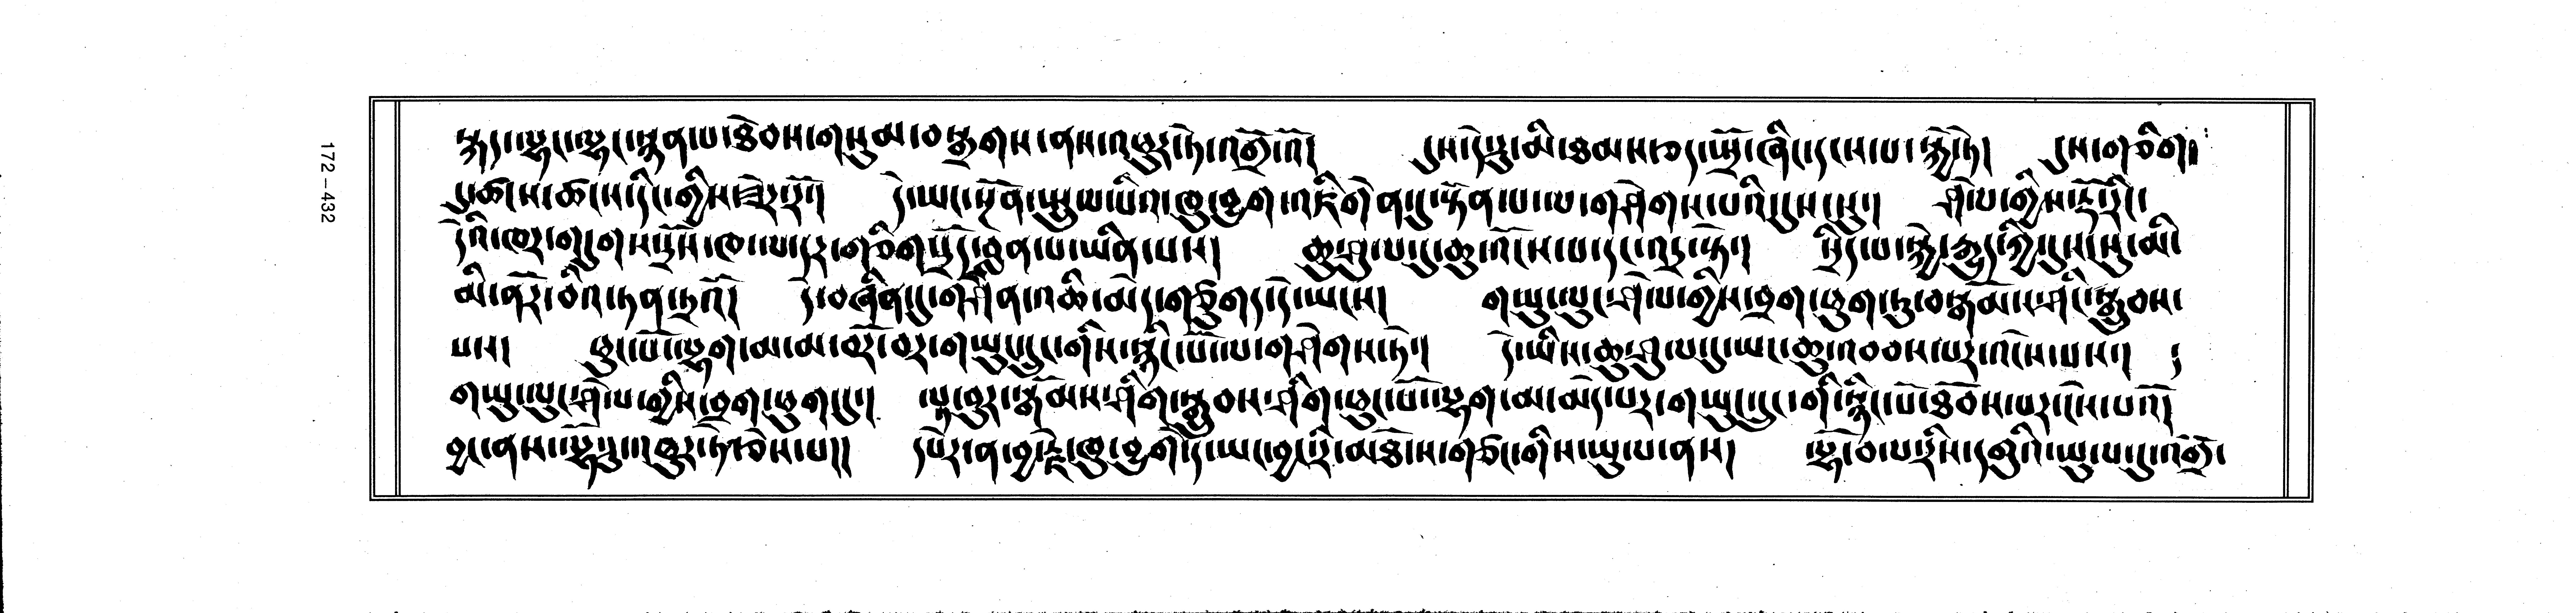སྐད་ལྷང་ལྷང་སྙན་པ་ཐེབས་གསུམ་བསྒྲགས་ནས་འཕུར་ཏེ་འགྲོ་འོ། དུས་དེ་རུ་མི་ཐམས་ཅད་སྤྲོ་ཞིང་དྭངས་པ་སྐྱེ་ཏེ། དུས་གཅིག་
དུ་ཚངས་ཚངས་དིང་གྱིས་ཟེར་རོ། དེ་ཡང་སྔོན་སྤྲུལ་པའི་ཁུ་བྱུག་འཇིག་རྟེན་དུ་སྟོན་པ་ལ་གཤེགས་པའི་དུས་སུ། ཤེལ་གྱིས་རྡོ་རིང་
དེའི་ཁར་གདུགས་དྲོས་ཁ་ལ་དར་གཅིག་དྲོད་བླན་པ་ཡིན་པས། ཆུ་ཤུལ་དུ་ཆུ་འོངས་པ་དང་འདྲ་སྟེ། སྲིད་པ་སྐྱེ་རྒྱུད་ཀྱི་དུས་སུ་མི་
ནོར་བའི་ཏན་ཏྲའོ། དེ་བཞིན་དུ་གཤེན་འཆི་མེད་གཙུག་ཕུད་དེ་ཡང་། གཡུ་ལུང་ཤེལ་གྱིས་བྱག་ཕུག་ཏུ་བསྒོམས་ཤིང་སྒྲུབས་
པས། ཕུང་པོ་ལྷག་མ་མ་བོར་བར་གཡུང་དྲུང་གིས་སྙིང་པོ་ལ་གཤེགས་ཏེ། དེ་ཡིས་ཆུ་ཤུལ་དུ་ཡང་ཆུ་འབབས་པར་ངེས་པས། 
གཡུ་ལུང་ཤེལ་གྱིས་བྲག་ཕུག་དུ། ལྟ་བུར་སྒོམས་ཤིག་སྒྲུབས་ཤིག་ཕུང་པོ་ལྷག་མ་མེད་པར་གཡུང་དྲུང་གི་སྙིང་པོ་ཐོབས་པར་ངེས་པའོ། 
བྱང་ནས་ལྷོ་རུ་འཕུར་ཏེ་ཅེས་པ། དཔེར་ན་བྱ་རྗེ་ཁུ་བྱུག་དེ་ཡང་བྱང་རི་མཐོ་ས་གཙང་གིས་ཡུལ་ནས། ལྷོ་བལ་རིས་དགུའི་ཡུལ་དུ་འགྲོ་